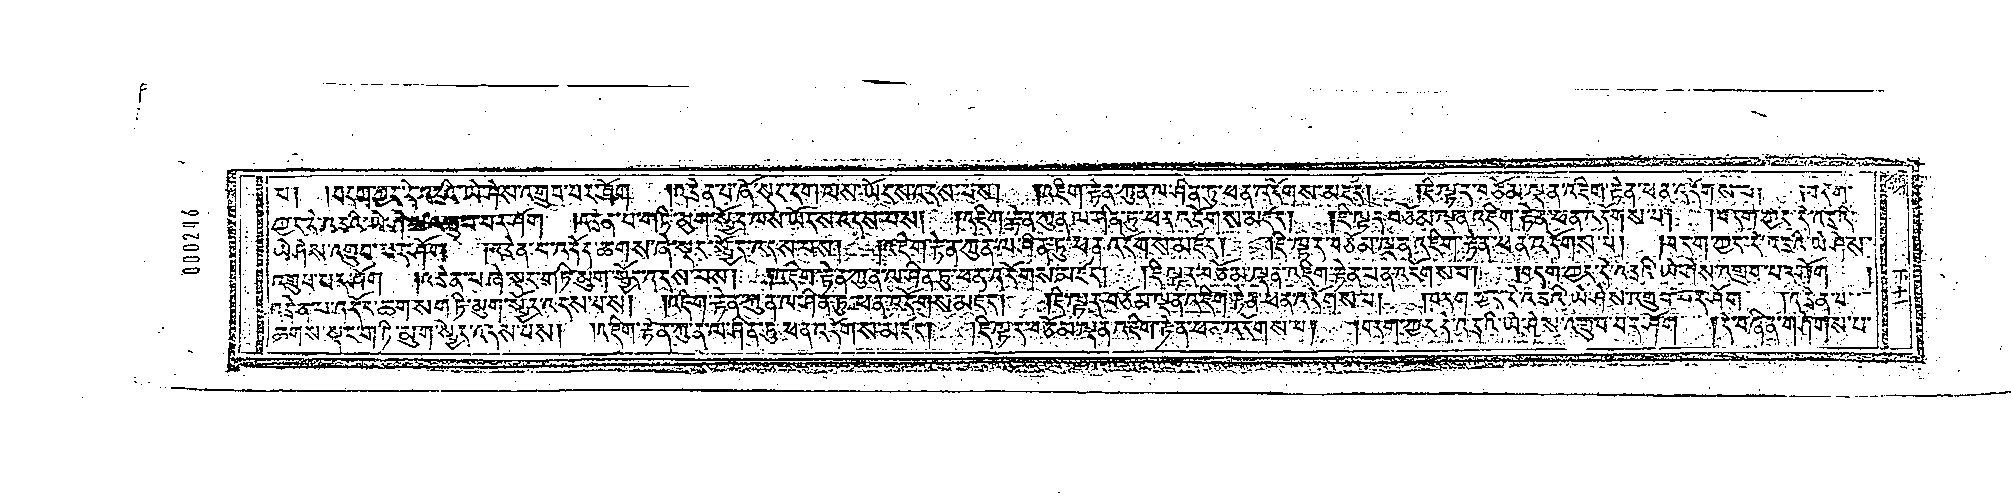པ། །བདག་ཀྱང་དེ་འདྲའི་ཡེ་ཤེས་འགྲུབ་པར་ཤོག །འདྲེན་པ་ཞེ་སྡང་དག་ལས་ཡོངས་འདས་པས། །འཇིག་རྟེན་ཀུན་ལ་ཤིན་ཏུ་ཕན་འདོགས་མཛད། །ཇི་ལྟར་བཅོམ་ལྡན་འཇིག་རྟེན་ཕན་འདོགས་པ། །བདག་
ཀྱང་དེ་འདྲའི་ཡེ་ཤེས་འགྲུབ་པར་ཤོག །འདྲེན་པ་གཏི་མུག་སྤྱོད་ལས་ཡོངས་འདས་པས། །འཇིག་རྟེན་ཀུན་ལ་ཤིན་ཏུ་ཕན་འདོགས་མཛད། །ཇི་ལྟར་བཅོམ་ལྡན་འཇིག་རྟེན་ཕན་འདོགས་པ། །བདག་ཀྱང་དེ་འདྲའི་
ཡེ་ཤེས་འགྲུབ་པར་ཤོག །འདྲེན་པ་འདོད་ཆགས་ཞེ་སྡང་སྤྱོད་འདས་པས། །འཇིག་རྟེན་ཀུན་ལ་ཤིན་ཏུ་ཕན་འདོགས་མཛད། །ཇི་ལྟར་བཅོམ་ལྡན་འཇིག་རྟེན་ཕན་འདོགས་པ། །བདག་ཀྱང་དེ་འདྲའི་ཡེ་ཤེས་
འགྲུབ་པར་ཤོག །འདྲེན་པ་ཞེ་སྡང་གཏི་མུག་སྤྱོད་འདས་པས། །འཇིག་རྟེན་ཀུན་ལ་ཤིན་ཏུ་ཕན་འདོགས་མཛད། །ཇི་ལྟར་བཅོམ་ལྡན་འཇིག་རྟེན་ཕན་འདོགས་པ། །བདག་ཀྱང་དེ་འདྲའི་ཡེ་ཤེས་འགྲུབ་པར་ཤོག །
འདྲེན་པ་འདོད་ཆགས་གཏི་མུག་སྤྱོད་འདས་པས། །འཇིག་རྟེན་ཀུན་ལ་ཤིན་ཏུ་ཕན་འདོགས་མཛད། །ཇི་ལྟར་བཅོམ་ལྡན་འཇིག་རྟེན་ཕན་འདོགས་པ། །བདག་ཀྱང་དེ་འདྲའི་ཡེ་ཤེས་འགྲུབ་བར་ཤོག །འདྲེན་པ་
ཆགས་སྡང་གཏི་མུག་སྤྱེད་འདས་པས། །འཇིག་རྟེན་ཀུན་ལ་ཤིན་ཏུ་ཕན་འདོགས་མཛད། །ཇི་ལྟར་བཅོམ་ལྡན་འཇིག་རྟེན་ཕན་འདོགས་པ། །བདག་ཀྱང་དེ་འདྲའི་ཡེ་ཤེས་འགྲུབ་པར་ཤོག །དེ་བཞིན་གཤེགས་པ་